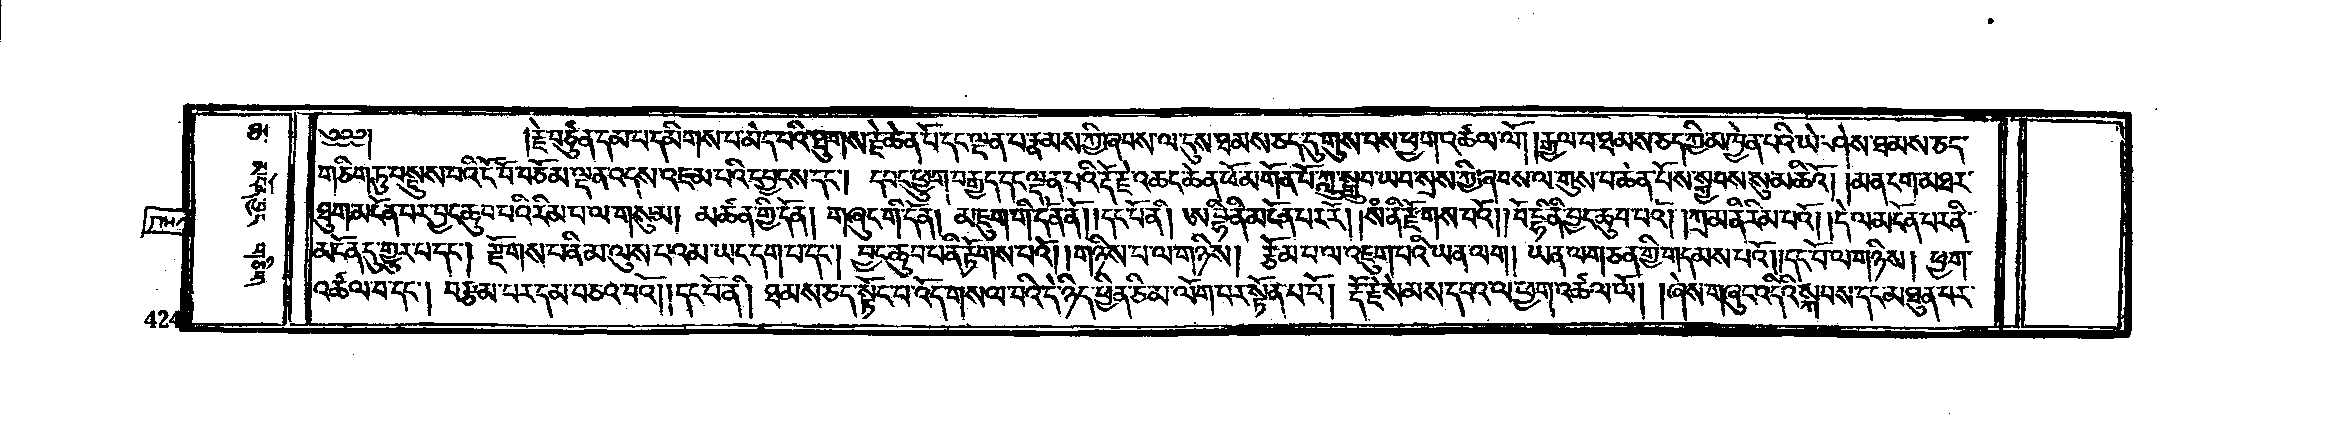༄༅༅། །རྗེ་བཙུན་དམ་པ་དམིགས་པ་མེད་པའི་ཐུགས་རྗེ་ཆེན་པོ་དང་ལྡན་པ་རྣམས་ཀྱི་ཞབས་ལ་དུས་ཐམས་ཅད་དུ་གུས་པས་ཕྱག་འཚལ་ལོ། །རྒྱལ་བ་ཐམས་ཅད་ཀྱི་མཁྱེན་པའི་ཡེ་ཤེས་ཐམས་ཅད་
གཅིག་ཏུ་བསྡུས་པའི་ངོ་བོ་བཅོམ་ལྡན་འདས་འཇམ་པའི་དབྱངས་དང་། དབང་ཕྱུག་བརྒྱད་དང་ལྡན་པའི་རྡོ་རྗེ་འཆང་ཆེན་པོ་མགོན་པོ་ཀླུ་སྒྲུབ་ཡབ་སྲས་ཀྱི་ཞབས་ལ་གུས་པ་ཆེན་པོས་སྐྱབས་སུ་མཆིའོ། །མན་ངག་མཐར་
ཐུག་མངོན་པར་བྱང་ཆུབ་པའི་རིམ་པ་ལ་གསུམ། མཚན་གྱི་དོན། གཞུང་གི་དོན། མཇུག་གི་དོན་ནོ། །དང་པོ་ནི། ཨབྷི་ནི་མངོན་པར་རོ། །སཾ་ནི་རྫོགས་པའོ། །བོ་དྷི་ནི་བྱང་ཆུབ་པའོ། །ཀྲ་མ་ནི་རིམ་པའོ། །དེ་ལ་མངོན་པར་ནི་
མངོན་དུ་གྱུར་པ་དང་། རྫོགས་པ་ནི་མ་ལུས་པའམ་ཡང་དག་པ་དང་། བྱང་ཆུབ་པ་ནི་རྟོགས་པའོ། །གཉིས་པ་ལ་གཉིས། རྩོམ་པ་ལ་འཇུག་པའི་ཡན་ལག། ཡན་ལག་ཅན་གྱི་གདམས་པའོ། །དང་པོ་ལ་གཉིས། ཕྱག་
འཚལ་བ་དང་། བརྩམ་པར་དམ་བཅའ་བའོ། །དང་པོ་ནི། ཐམས་ཅད་སྟོང་པ་འོད་གསལ་བའི་དེ་ཉིད་ཕྱིན་ཅི་མ་ལོག་པར་སྟོན་པ་པོ། རྡོ་རྗེ་སེམས་དཔའ་ལ་ཕྱག་འཚལ་ལོ། །ཞེས་གཞུང་འདིའི་སྐབས་དང་མཐུན་པར་